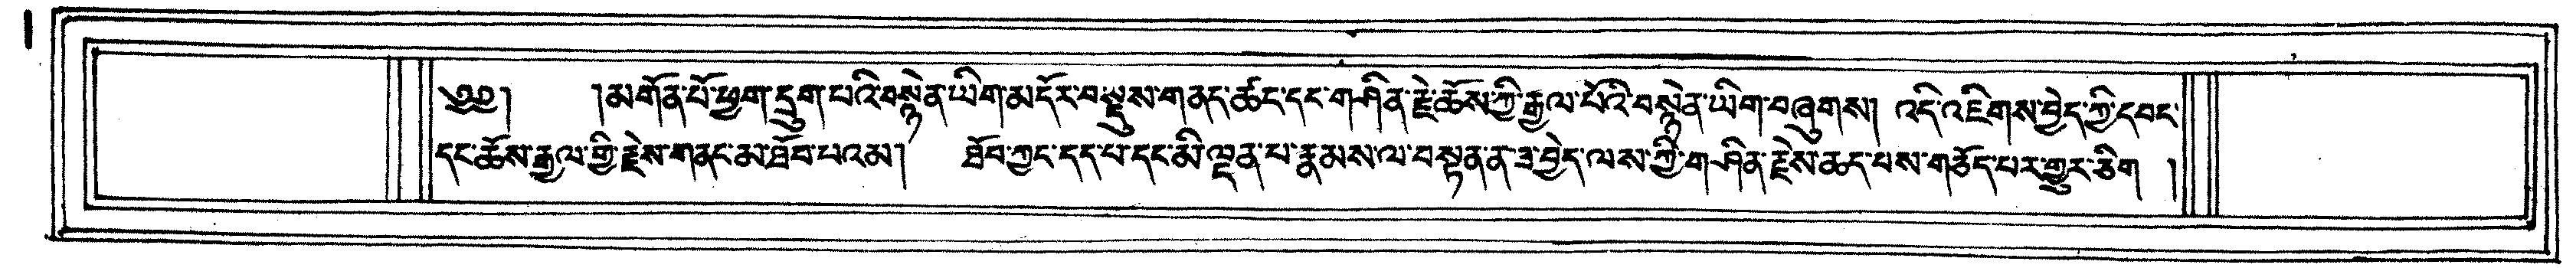༄༅། །མགོན་པོ་ཕྱག་དྲུག་པའི་བསྙེན་ཡིག་མདོར་བསྡུས་གནད་ཚང་དང་གཤིན་རྗེ་ཆོས་ཀྱི་རྒྱལ་པོའི་བསྙེན་ཡིག་བཞུགས། འདི་འཇིགས་བྱེད་ཀྱི་དབང་
དང་ཆོས་རྒྱལ་གྱི་རྗེས་གནང་མ་ཐོབ་པའམ། ཐོབ་ཀྱང་དད་པ་དང་མི་ལྡན་པ་རྣམས་ལ་བསྟན་ན་ཟ་བྱེད་ལས་ཀྱི་གཤིན་རྗེས་ཆད་པས་གཅོད་པར་གྱུར་ཅིག །